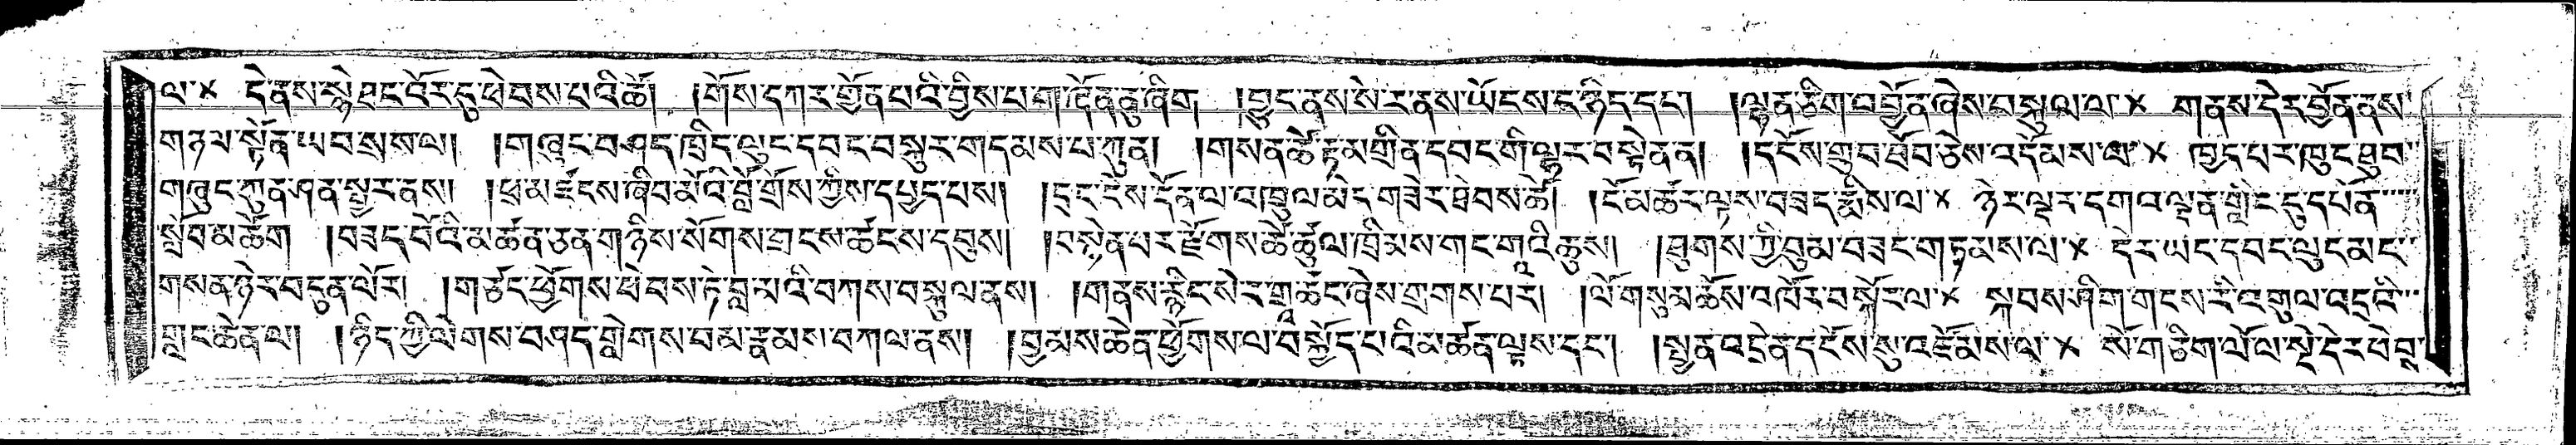ལ་{྾}་དེ་ནས་སྙེ་ཐང་འོར་དུ་ཕེབས་པའི་ཚེ། །གོས་དཀར་གྱོན་པའི་བྱིས་པ་གཞོན་ནུ་ཞིག །བྱུང་ནས་སེ་ར་ནས་ཡོངས་ང་ཉིད་དང་། །ལྷན་ཅིག་འབྱོན་ཞེས་བསྐུལ་ལ་{྾}་གནས་དེར་བྱོན་ནས་
གཉལ་སྟོན་ཡབ་སྲས་ལ། །གཞུང་བཤད་ཁྲིད་ལུང་དབང་བསྐུར་གདམས་པ་ཀུན། །གསན་ཚེ་རྟ་མགྲིན་དབང་གི་ལྷར་བསྟེན་ན། །དངོས་གྲུབ་ཐོབ་ཅེས་འདོམས་ལ་{྾}་ཁྱད་པར་ཁུང་ཐུབ་
གཞུང་ཀུན་ཤན་སྦྱར་ནས། །ཕྲ་མཛངས་ཞིབ་མོའི་བློ་གྲོས་ཀྱིས་དཔྱད་པས། །དྲང་ངེས་དོན་ལ་འཁྲུལ་མེད་གཟེར་ཐེབས་ཚེ། །ངོ་མཚར་ལྟས་བཟང་རྨིས་ལ་{྾}་ཉེར་ལྔར་དགའ་ལྡན་གླིང་དུ་དཔོན་
སློབ་མཆོག །བཟང་པོའི་མཚན་ཅན་གཉིས་སོགས་གྲངས་ཚངས་དབུས། །བསྙེན་པར་རྫོགས་ཚེ་ཚུལ་ཁྲིམས་གང་གཱའི་ཆུས། །ཐུགས་ཀྱི་བུམ་བཟང་གཏམས་ལ་{྾}་དེར་ཡང་དབང་ལུང་མང་
གསན་ཉེར་བདུན་ལོར། །གཙང་ཕྱོགས་ཕེབས་ཏེ་བླ་མའི་བཀས་བསྐུལ་ནས། །གནས་རྙིང་སེར་གྲཱ་ཚང་ཞེས་གྲགས་པར། །ལོ་གསུམ་ཆོས་འཁོར་བསྐོར་ལ་{྾}་སྐབས་ཤིག་གངས་རི་འགུལ་འདྲའི་
གླང་ཆེན་ལ། །ཉིད་ཀྱི་ལེགས་བཤད་གླེགས་བམ་རྣམས་བཀལ་ནས། །བྱམས་ཆེན་ཕྱོགས་ལ་བསྐྱོད་པའི་མཚན་ལྟས་དང་། །སྤྱན་འདྲེན་དངོས་སུ་འཛོམས་ལ་{྾}་སོ་གཅིག་ལོ་ལ་སྡེ་དེར་ཕེབས་